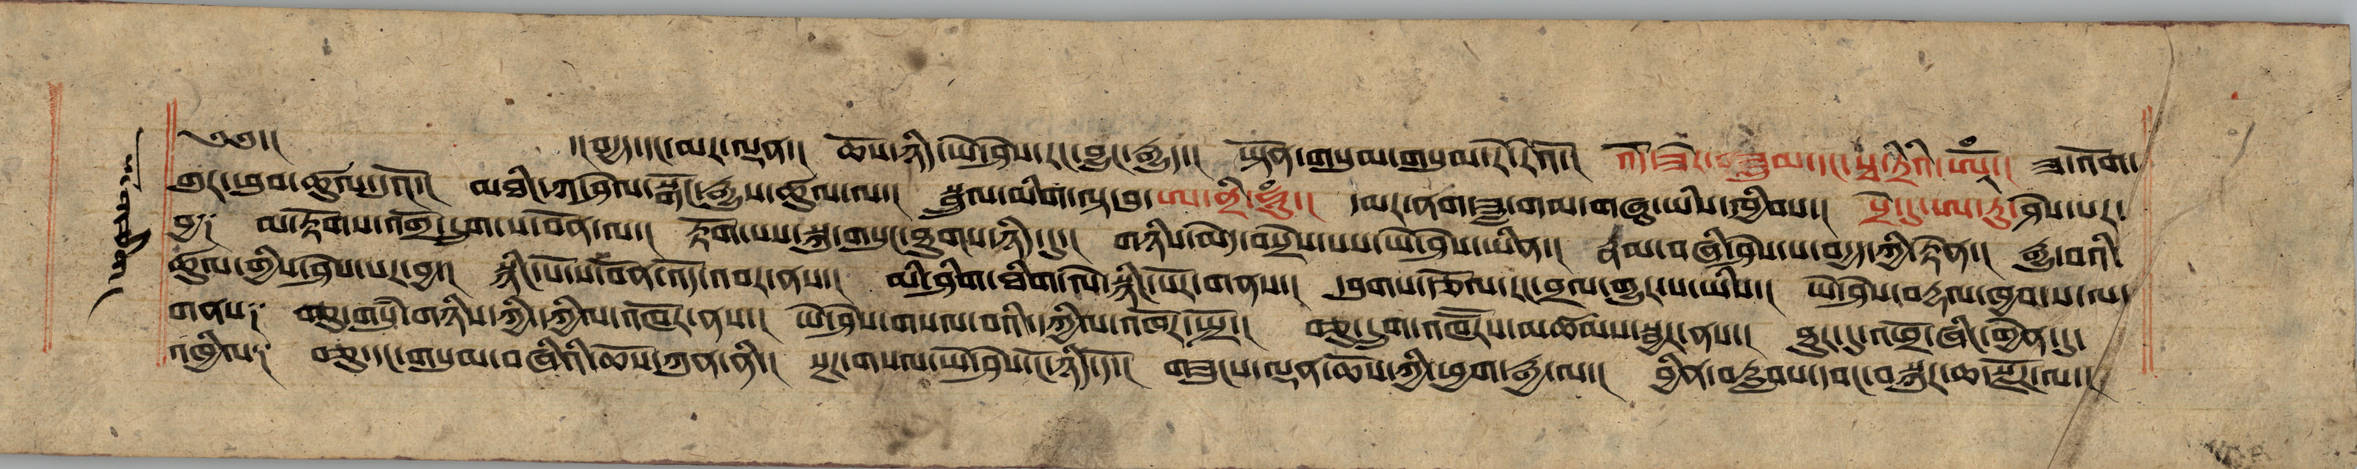༅་། ་།བདྱད་དང་མར་ལྡན་། ཆོས་ཉིད་ཡེ་ཤེས་རང་བྱུང་རྒྱུད་། ཡྟོན་གསུམ་གསུམ་རེ་རེའོ་། འོད་ཟེར་བཟླུམ་དང་སྭ་ཏྲིའི་ཨཱོཾ་། ཟ་འོག་
གུར་ཕུབ་ཚུལ་དུའོ་། མཐིང་ཀ་ཤེལ་སྒོང་རྒྱུས་ཚུལ་ལ་། སྦྲུལ་མིག་ལྟ་བུ་ཨ་ནྲི་ཧཱུཾ་། དམར་ནག་ཟླ་གམ་གཞུ་ཡིས་དབྱིབས་། པྲེ་དུ་ཨ་རུ་ཤེས་པར་
བྱ༑ མ་རྟོགས་འགྲོ་དྲུག་ས་བོན་ལ་། རྟོག་པས་སྐུ་གསུང་ཐུགས་ཉིད་དུ་། གཉིས་མེད་བསྲེས་པས་ཡེ་ཤེས་ཡིན་། རྣམ་བཞི་ཤེས་པ་བདྱད་ཀྱི་རྟེན་། རྒྱུ་བའི་
ཚུལ་གྱིས་ཤེས་པར་བྱ་། སྙིང་པོ་ས་བོན་འོད་འབར་ནས་། མི་ཤིག་ཐིག་ལེ་སྙིང་པོར་གནས་། དབུགས་རྩོལ་རང་བྲལ་གྱུར་པ་ཡིས་། ཡེ་ཤེས་བརྡལ་ཁྱབ་པ་ལ་
གནས༑ བཅུ་གསུཾ་གཉིས་ཀྱི་དཀྱིལ་འཁོར་ནས་། ཡེ་ཤེས་གསལ་བའི་དཀྱིལ་འཁོར་སྤྲོ་། བཅུ་དྲུག་འཁཽརས་མཚམས་སྦྱར་ནས་། ཐུར་དུ་འཕྲོ་ཞིང་གྱེན་དུ་
འཁྱིལ༑ བཅུ་དང་གསུམ་བཞིའི་ཆོས་ཀུན་ནི་། སྔཌ་གསལ་ཡེ་ཤེས་ངོ་ཉིད་དོ་། གཟུངས་ལྡན་ཆོས་ཀྱི་ཕྱག་རྒྱ་ལ་། བྱིན་བརླབས་དབང་བསྐུར་ཆ་སྫོཌ་ལ་།